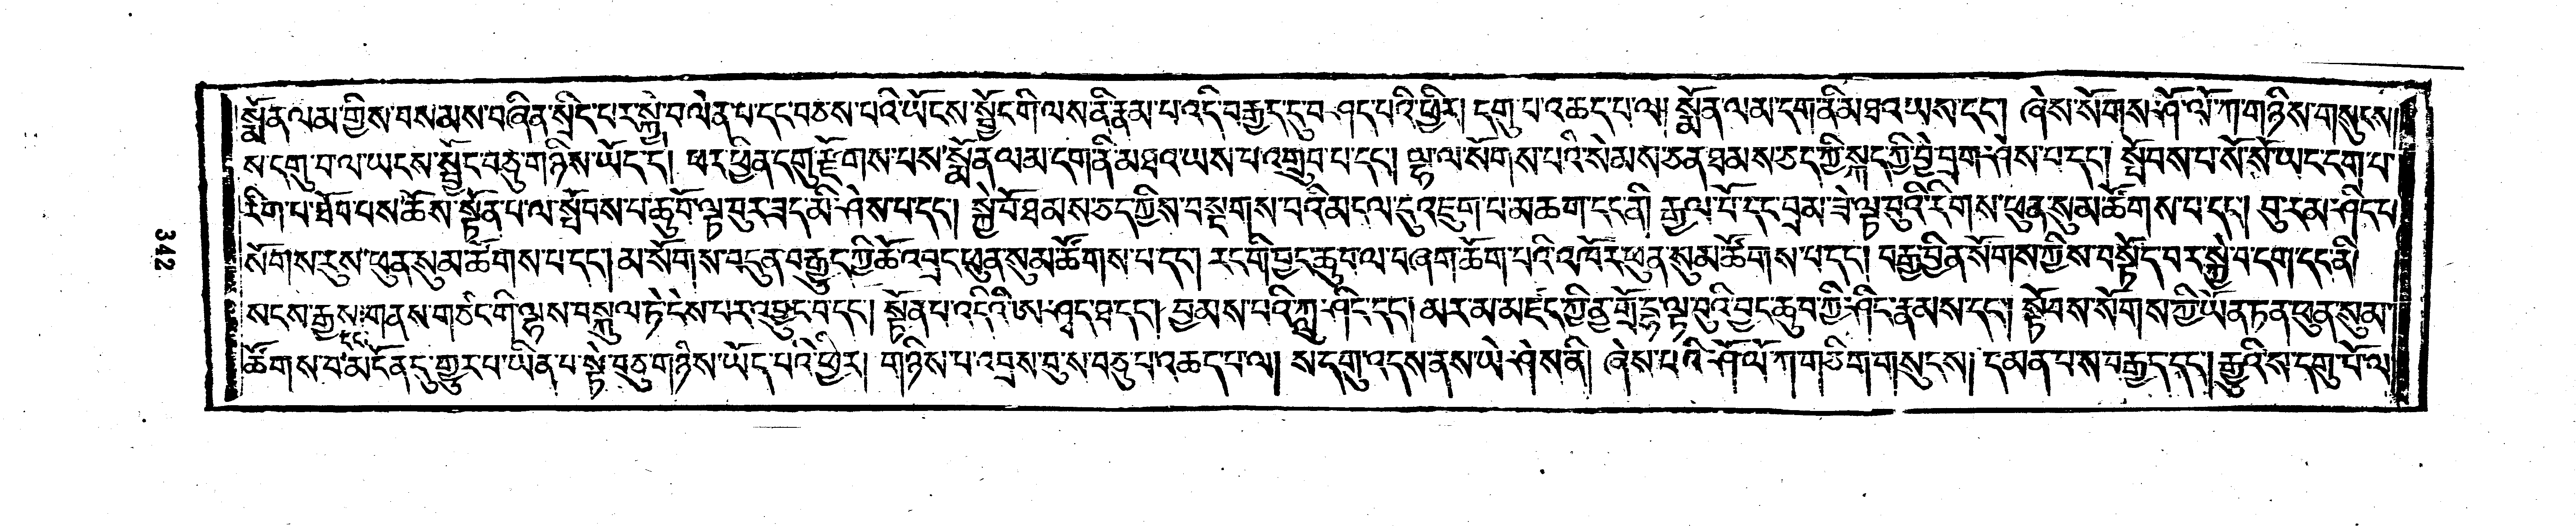སྨོན་ལམ་གྱིས་བསམས་བཞིན་སྲིད་པར་སྐྱེ་བ་ལེན་པ་དང་བཅས་པའི་ཡོངས་སྦྱོང་གི་ལས་ནི་རྣམ་པ་འདི་བརྒྱད་དུ་བཤད་པའི་ཕྱིར། དགུ་པ་འཆད་པ་ལ། སྨོན་ལམ་དག་ནི་མཐའ་ཡས་དང་། ཞེས་སོགས་ཤོ་ལོ་ཀ་གཉིས་གསུངས།
ས་དགུ་པ་ལ་ཡོངས་སྦྱང་བཅུ་གཉིས་ཡོད་དེ། ཕར་ཕྱིན་དགུ་རྫོགས་པས་སྨོན་ལམ་དག་ནི་མཐའ་ཡས་པ་འགྲུབ་པ་དང་། ལྷ་ལ་སོགས་པའི་སེམས་ཅན་ཐམས་ཅད་ཀྱི་སྐད་ཀྱི་བྱེ་བྲག་ཤེས་པ་དང་། སྤོབས་པ་སོ་སོ་ཡང་དག་པ་
རིག་པ་ཐོབ་པས་ཆོས་སྟོན་པ་ལ་སྤོབས་པ་ཆུ་བོ་ལྟ་བུར་ཟད་མི་ཤེས་པ་དང་། སྐྱེ་བོ་ཐམས་ཅད་ཀྱིས་བསྔགས་པའི་མངལ་དུ་འཇུག་པ་མཆོག་དང་ནི། རྒྱལ་པོ་དང་བྲམ་ཟེ་ལྟ་བུའི་རིགས་ཕུན་སུམ་ཚོགས་པ་དང་། བུ་རམ་ཤིང་པ་
སོགས་རུས་ཕུན་སུམ་ཚོགས་པ་དང་། མ་སོགས་བདུན་བརྒྱུད་ཀྱི་ཆོ་འབྲང་ཕུན་སུམ་ཚོགས་པ་དང་། རང་གི་བྱང་ཆུབ་ལ་བཞག་ཆོག་པའི་འཁོར་ཕུན་སུམ་ཚོགས་པ་དང་། བརྒྱ་བྱིན་སོགས་ཀྱིས་བསྟོད་པར་སྐྱེ་བ་དག་དང་ནི།
སངས་རྒྱས་དང་གནས་གཙང་གི་ལྷས་བསྐུལ་ཏེ་ངེས་པར་འབྱུང་བ་དང་། སྟོན་པ་འདིའི་ཨ་ཤྭད་ཐ་དང་། བྱམས་པའི་ཀླུ་ཤིང་དང་། མར་མེ་མཛད་ཀྱི་ནྱ་གྲོ་དྷ་ལྟ་བུའི་བྱང་ཆུབ་ཀྱི་ཤིང་རྣམས་དང་། སྟོབས་སོགས་ཀྱི་ཡོན་ཏན་ཕུན་སུམ་
ཚོགས་པ་མངོན་དུ་གྱུར་པ་ཡིན་པ་སྟེ་བཅུ་གཉིས་ཡོད་པའི་ཕྱིར། གཉིས་པ་འབྲས་བུ་ས་བཅུ་པ་འཆད་པ་ལ། ས་དགུ་འདས་ནས་ཡེ་ཤེས་ནི། ཞེས་པའི་ཤོ་ལོ་ཀ་གཅིག་གསུངས། དམན་པ་ས་བརྒྱད་དང་། རྒྱུའི་ས་དགུ་པོ་ལ་